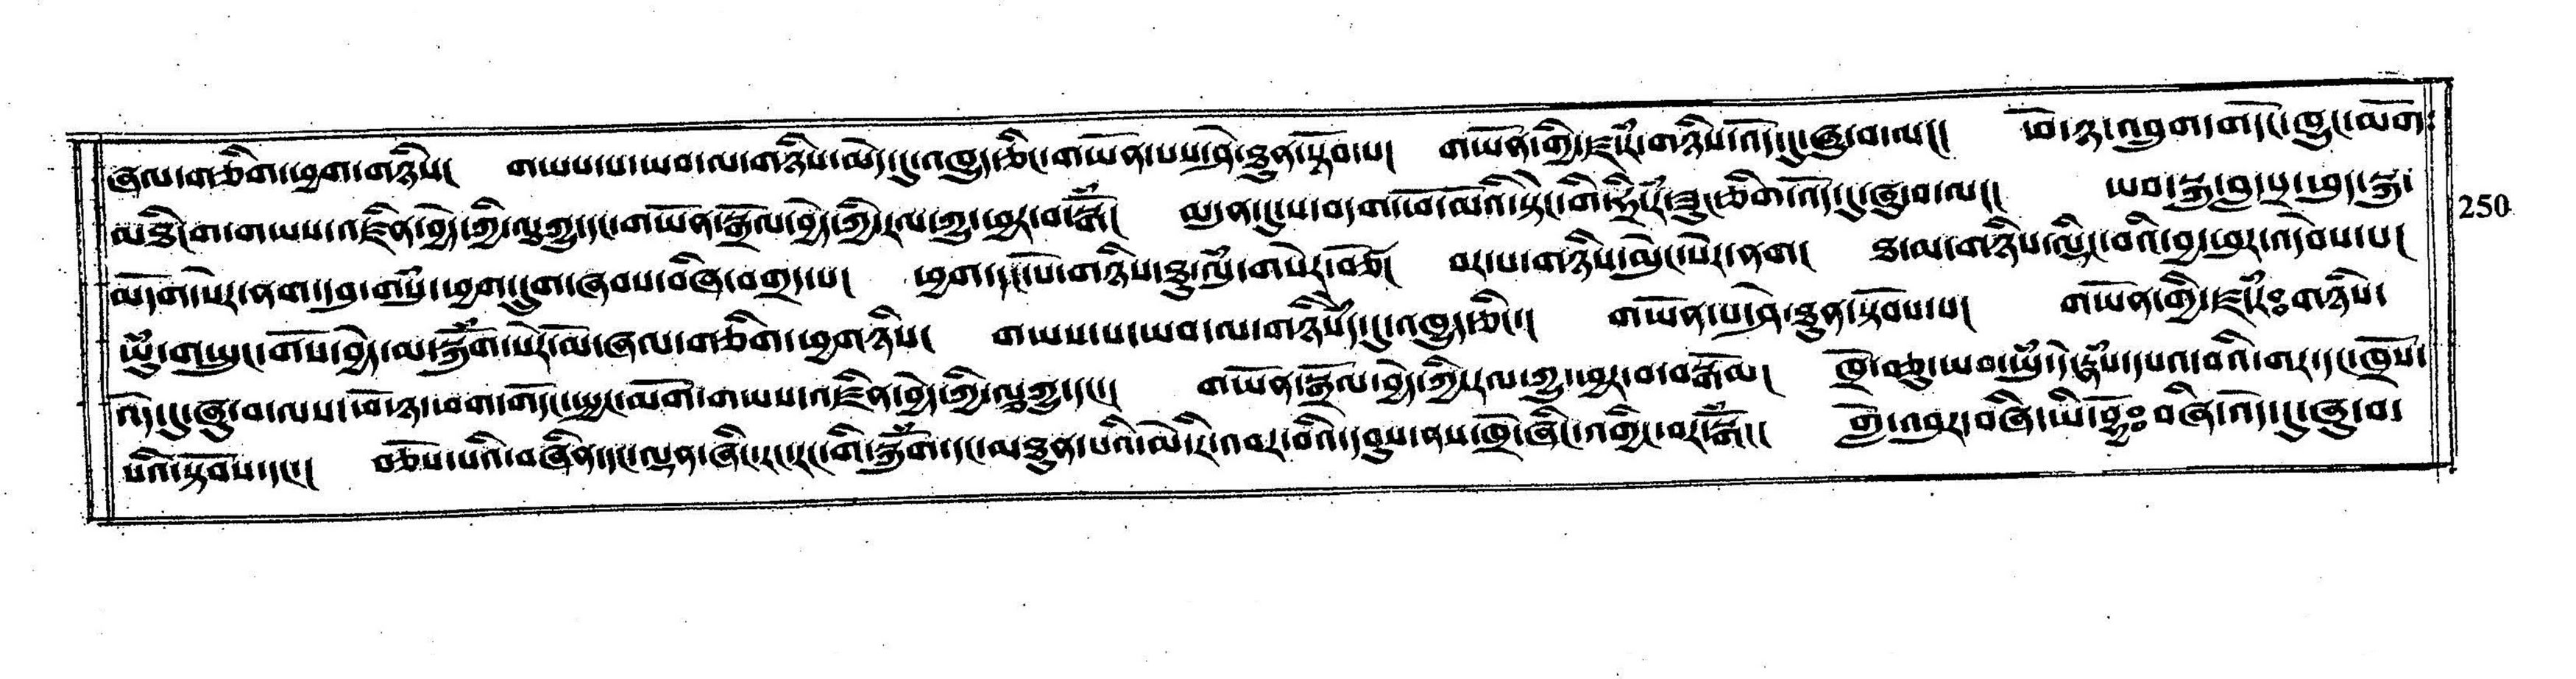ཞལ་གཅིག་ཕྱག་གཉིས། གཡས་པ་ཡབ་ལ་གཉིས་མེད་དུ་འཁྱུད་ཅིང་གཡོན་པས་ཤེ་ཐུན་སྟོབ་པ། གཡོན་གྱི་ཛ་རཾ་གཉིས་འོད་དུ་ཞུ་བ་ལ།། ཕོ་ཉ་འབྲུག་གདོང་ཁྱུང་མགོ་
མཐིང་ནག་གཡས་འཛིན་བྱེད་ཀྱི་ལྕག་ཀྱུ་དང་གཡོན་སྒྲོལ་བྱེད་ཀྱི་རལ་ཀྱུ་ཕྱར་བ་སྒོམ། མདུན་དུ་ས་བདག་ཕོ་མོའི་སྟེང་གི་ཧྲི་རཾ་ཟུང་ཅིག་འོད་དུ་ཞུ་བ་ལ།། ཡབ་སྐུ་བླ་པྲ་ཕུད་སྐུ་
མདོག་སེར་ནག་དབུ་གསུམ་ཕྱག་དྲུག་ཞབས་བཞི་བགྲད་པ། ཕྱག་དང་པོ་གཉིས་ཐུ་ལུམ་གསེར་བཙོ། བར་པ་གཉིས་མེ་དཔུང་སེར་ནག ཐ་མ་གཉིས་ལྡིང་བའི་བྱ་ཕུར་འདེབས་པ། 
ཡུམ་གཡུང་དྲུང་གསོ་བྱེད་མ་སྐུ་མདོག་སེར་མོ་ཞལ་གཅིག་ཕྱག་གཉིས། གཡས་པ་ཡབ་ལ་གཉིས་མེད་དུ་འཁྱུད་ཅིང་། གཡོན་པ་ཤེ་ཐུན་སྟོབས་པ། གཡོན་གྱི་ཛ་རཾཿགཉིས་
འོད་དུ་ཞུ་བ་ལས་ཕོ་ཉ་ཕག་གདོང་སྤྱང་མགོ་གཡས་འཛིན་བྱེད་ཀྱི་ལྕག་ཀྱུ་དང་། གཡོན་སྒྲོལ་བྱེད་ཀྱི་རལ་ཀྱུ་ཕྱར་བ་བསྒོམ། ཁྲོ་བཅུ་ཡབ་ཡུམ་དེ་རྣམས་དཔའ་བའི་གར་དང་ཁྲོས་
པའི་སྟོབས་དང་། བཅོས་པའི་བཞིན་དང་ལྡན་ཞིང་རང་རང་གི་སྐུ་མདོག་དང་མཐུན་པའི་མེ་རི་འབར་བའི་དབུས་ནས་ཁྲོ་ཞིང་འགྱིང་བར་སྒོམ། གློ་འབུར་བཞི་ཡི་བྷྱོཿབཞི་འོད་དུ་ཞུ་བ་